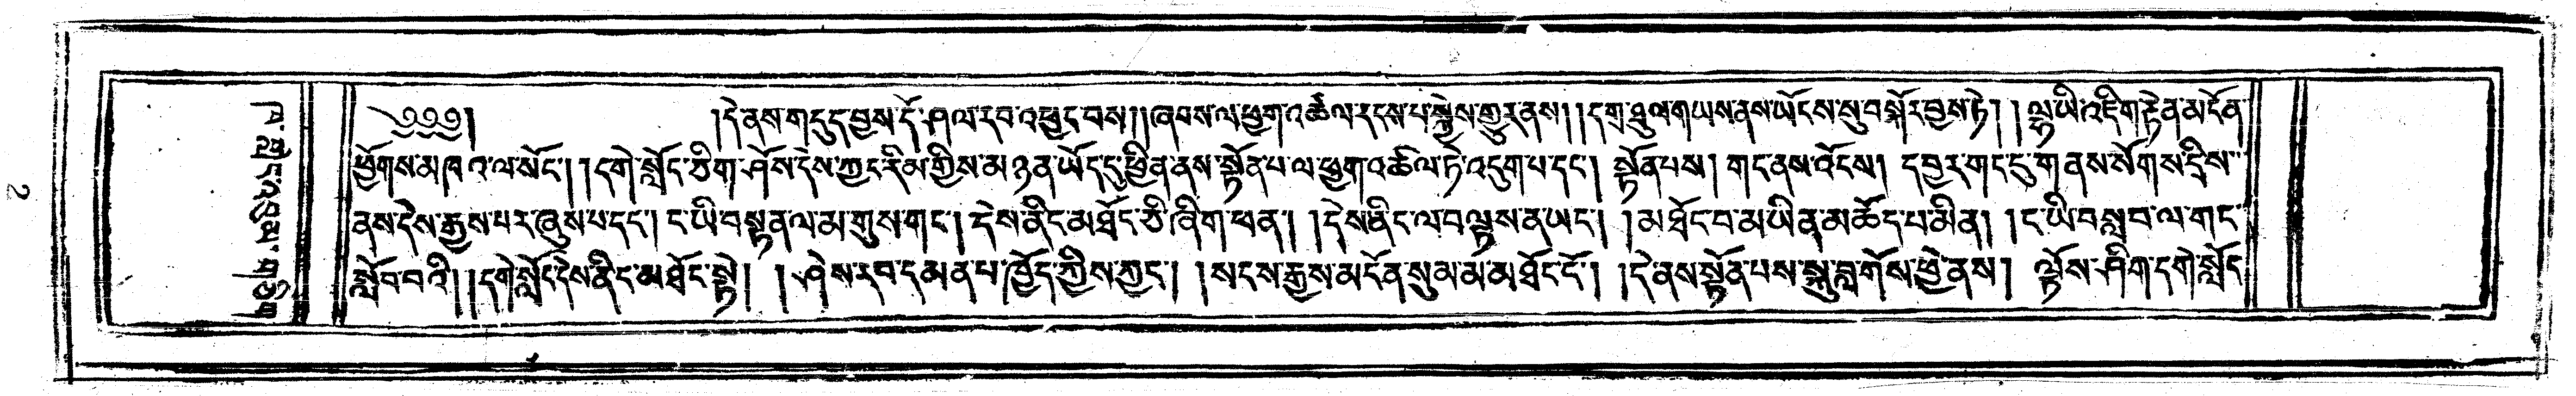༄༅༅། །དེ་ནས་གདུད་བྱས་དོ་ཤལ་རབ་འཕྱང་བས། །ཞབས་ལ་ཕྱག་འཚལ་རངས་པ་སྐྱེས་གྱུར་ནས། །དགྲ་ཐུལ་གཡས་ནས་ཡོངས་སུ་བསྐོར་བྱས་ཏེ། །ལྷ་ཡི་འཇིག་རྟེན་མངོན་
ཕྱོགས་མཁའ་ལ་སོང་། །དགེ་སློང་ཅིག་ཤོས་དེས་ཀྱང་རིམ་གྱིས་མཉན་ཡོད་དུ་ཕྱིན་ནས་སྟོན་པ་ལ་ཕྱག་འཚལ་ཏེ་འདུག་པ་དང་། སྟོན་པས། གང་ནས་འོངས། དབྱར་གང་དུ་གནས་སོགས་དྲིས་
ནས་དེས་རྒྱས་པར་ཞུས་པ་དང་། ང་ཡི་བསྟན་ལ་མ་གུས་གང་། དེས་ནི་ང་མཐོང་ཅི་ཞིག་ཕན། །དེས་ནི་ང་ལ་བལྟས་ན་ཡང་། །མཐོང་བ་མ་ཡིན་མཆོད་པ་མིན། །ང་ཡི་བསླབ་ལ་གང་
སློབ་པའི། །དགེ་སློང་དེས་ནི་ང་མཐོང་སྟེ། །ཤེས་རབ་དམན་པ་ཁྱོད་ཀྱིས་ཀྱང་། །སངས་རྒྱས་མངོན་སུམ་མ་མཐོང་ངོ། །དེ་ནས་སྟོན་པས་སྐུ་བླ་གོས་ཕྱེ་ནས། ལྟོས་ཤིག་དགེ་སློང་